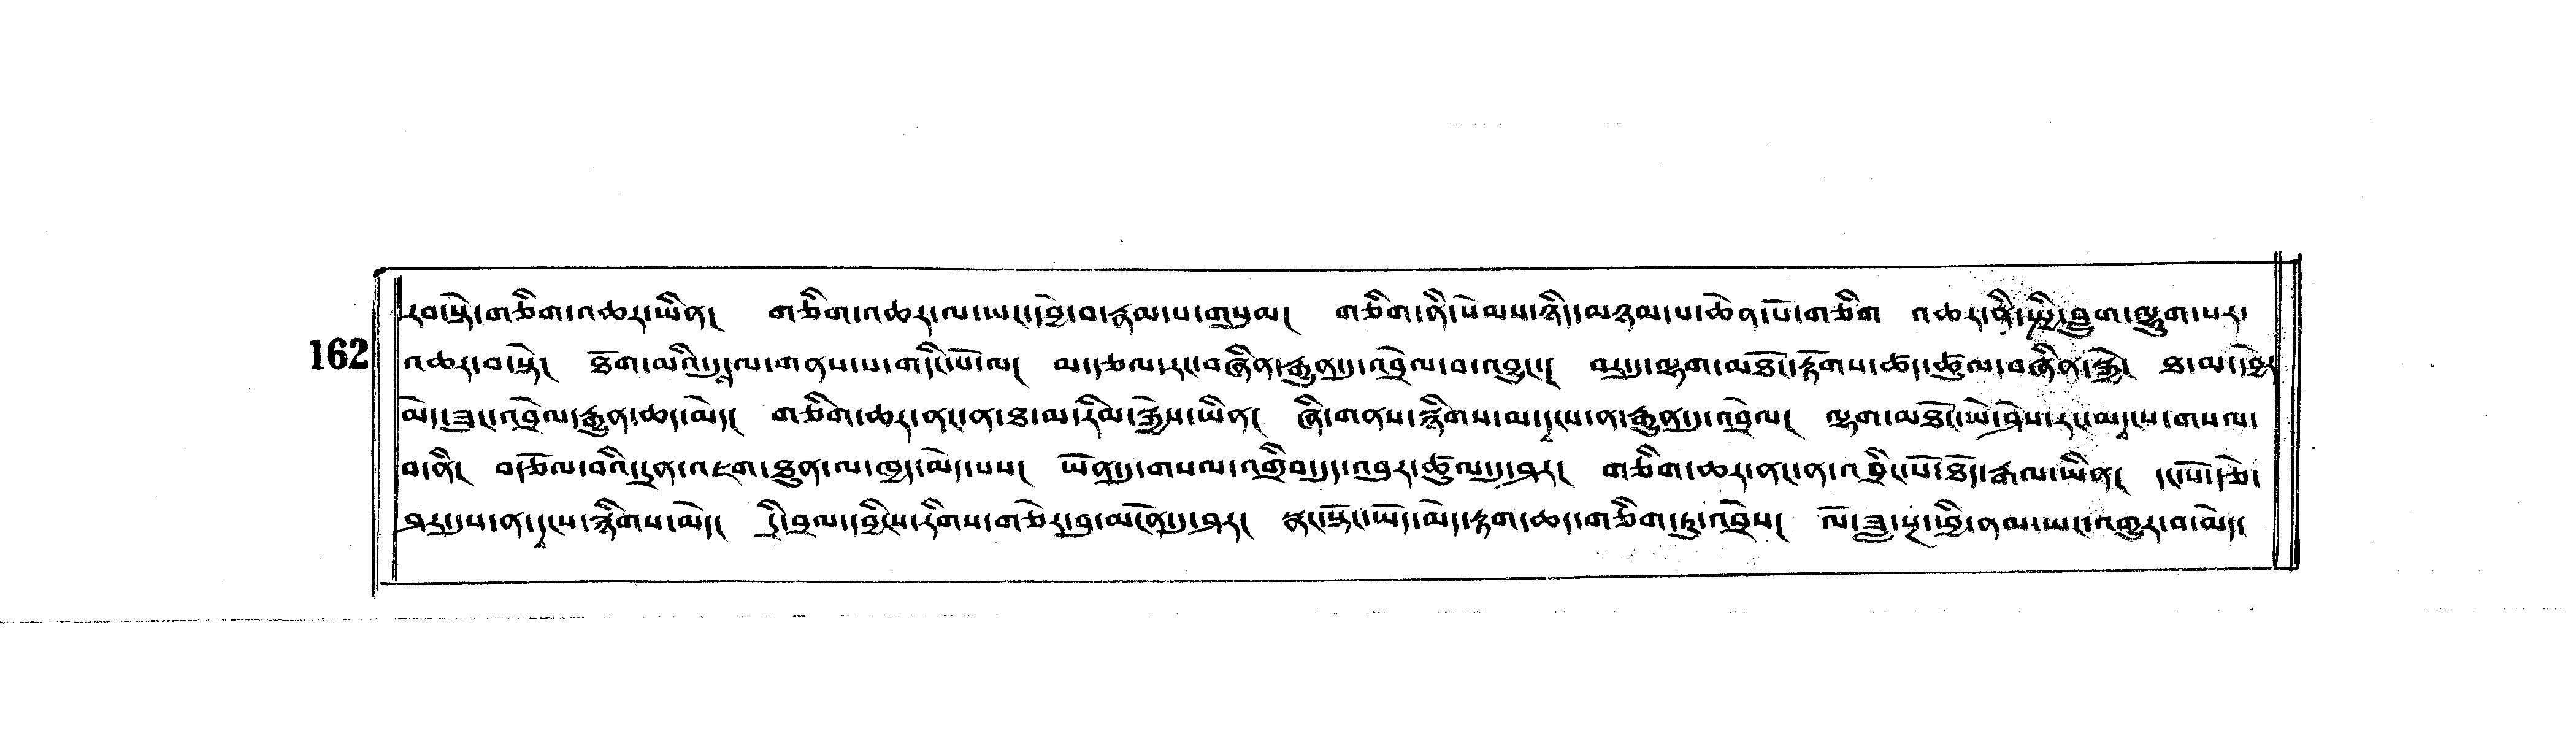རབ་སྟེ་ཅིག་ཆར་ཡིན། གཅིག་ཆར་ལ་ཡང་དབྱེ་བ་རྣམ་པ་གསུམ། གཅིག་ནི་སེམས་ཉིད་མཉམ་པ་ཆེན་པོ་གཅིག འཆར་ནི་སྤྱི་བླུགས་ལྷུགས་པར་
འཆར་བ་སྟེ། ཐོག་མའི་དུས་ལ་གནས་པ་གདིང་པོ་ལ། མ་རྩལ་རང་བཞིན་རྒྱུན་དུ་འབྲེལ་བ་འབྱུང་། བར་དུ་ལྷག་མཐོང་རྟོགས་ཚད་ཚུལ་བཞིན་སྐྱེ། ཐ་མ་དབྱེར་
མེད་ཟུང་འབྲེལ་རྒྱུན་ཆད་མེད། གཅིག་ཆར་ནང་ནས་ཐ་མ་རིམས་སྐྱེས་ཡིན། ཞི་གནས་སྙིགས་མ་དྭངས་ན་རྒྱུན་དུ་འབྲེལ། ལྷག་མཐོང་ཡེ་ཤེས་རང་མདངས་གསལ་
བ་ནི། རྩོལ་བའི་དྲན་འཇག་ཐུན་ལ་ཁྱད་མེད་པས། ཡོན་དུ་གསལ་འགྲིབ་དུམ་འབུར་ཚུལ་དུ་ཤར། གཅིག་ཆར་ནང་ནས་འབྲིང་པོ་ཐོད་རྒལ་ཡིན། དང་པོ་རྩ་
ཤར་དུས་ན་དྭངས་སྙིགས་མེད། དྲི་བྲལ་དབྱིངས་རིག་གཅེར་བུ་མངོན་དུ་ཤར། སྣང་སྟོང་ཡོད་མེད་རྟག་ཆད་གཅིག་ཏུ་འབྲེལ། ལོ་ཟླ་སྔ་ཕྱི་ནམ་ཡང་འགྱུར་བ་མེད།